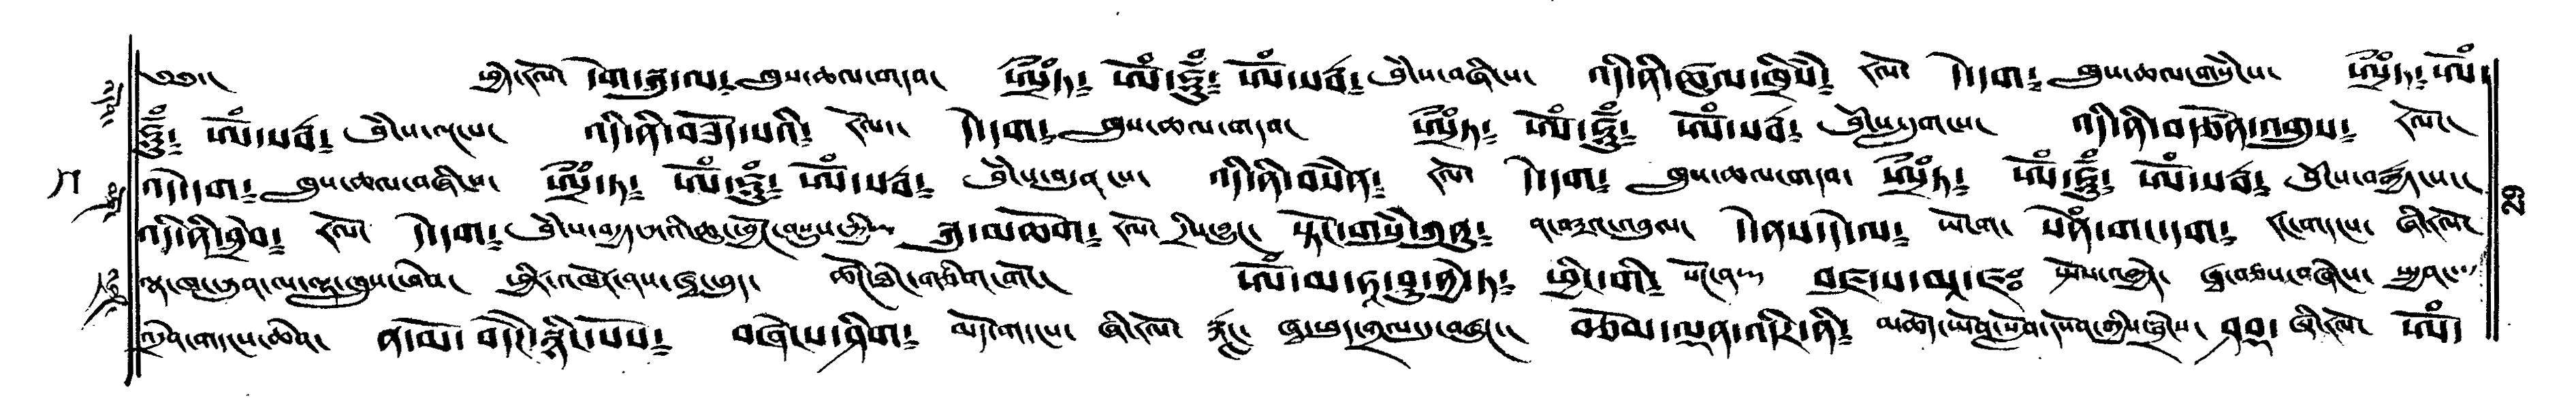ཕྱེད་རོལ། དེ་དག་སྐུ་ལ༴ ཁྲུས་ཆལ་གདབ། ཨ་མྲྀ་ཏ༴ ཨོཾ་ཧཱུྃ༴ ཨོཾ་སརྦ༴ བུམ་པ་བཞི་པ། འདི་ནི་ཚུལ་ཁྲིམས༴ ཕྱེད་རོལ། དེ་དག༴ ཁྲུས་ཆལ་གསུམ་པ། ཨ་མྲྀ་ཏ༴ ཨོཾ་
ཧཱུྃ༴ ཨོཾ་སརྦ༴ བུམ་པ་ལྔ་པ། འདི་ནི་བཟོད་པའི༴ ཕྱེད་རོལ། དེ་དག༴ ཁྲུས་ཆལ་གདབ། ཨ་མྲྀ་ཏ༴ ཨོཾ་ཧཱུྃ༴ ཨོཾ་སརྦ༴ བུམ་པ་དྲུག་པ། འདི་ནི་བརྩོན་འགྲུས༴ ཕྱེད་རོལ། 
འདི་དག༴ ཁྲུས་ཆལ་བཞི་པ། ཨ་མྲི་ཏ༴ ཨོཾ་ཧཱུྃ༴ ཨོཾ་སརྦ༴ བུམ་པ་བདུན་པ། འདི་ནི་བསམ་གཏན༴ ཕྱེད་རོལ། དེ་དག༴ ཁྲུས་ཆལ་གདབ། ཨ་མྲི་ཏ༴ ཨོཾ་ཧཱུྃ༴ ཨོཾ་སརྦ༴ བུམ་པ་བརྒྱད་པ། 
འདི་ནི་ཤེས་རབ༴ ཕྱེད་རོལ། དེ་དག༴ བུམ་པ་བརྒྱད་ཀའི་ཆུ་ཕྱོགས་བསྡུས་ཀྱིས། སྐུ་མཆོག༴ རོལ། དྲིས་བྱུགས། སྟོང་གསུམ་ཀུན་ཏུ༴ ན་བཟའ་འབུལ། དེ་ནས་དེ་ལ༴ ཡོ་ག སེམས་ཅན་གང་དག༴ རང་གདངས། ཞི་རོལ་
ལྷ་ཁང་ཀུན་ལ་ལྷ་ཁྲུས་ལ་ཕེབས། ཕྱིར་འཁོར་ནས་ཞྭ་ཕུད། ཚོགས་ཐེངས་གཅིག་གོ།ཨོཾ་མ་ཧཱ་ཤུ་ནྱེ་ཏ༴ ཕྱི་ནང་གི༴ སོགས་ནས། བཛྲ་ས་མཱ་ཛཿ སྤོས་འགྱེད། ཞྭ་བཅས་བཞེངས། སྤྱན་
འདྲེན་གདངས་ཆེན། ན་མོ་བདེ་གཤེགས་སྙིང་པོས༴ བཞེངས་ཤིག༴ མདོ་གདངས། ཞི་རོལ། རྐང་བཞི། ཞྭ་ཕུད་གྲལ་དུ་བཞུགས། བཅོམ་ལྡན་འདིར་ནི༴ མཆོད་ཡོན་སློབ་དཔོན་གྱིས་སྦྲེངས། ཤབྡ། ཞི་རོལ། ཨོཾ་